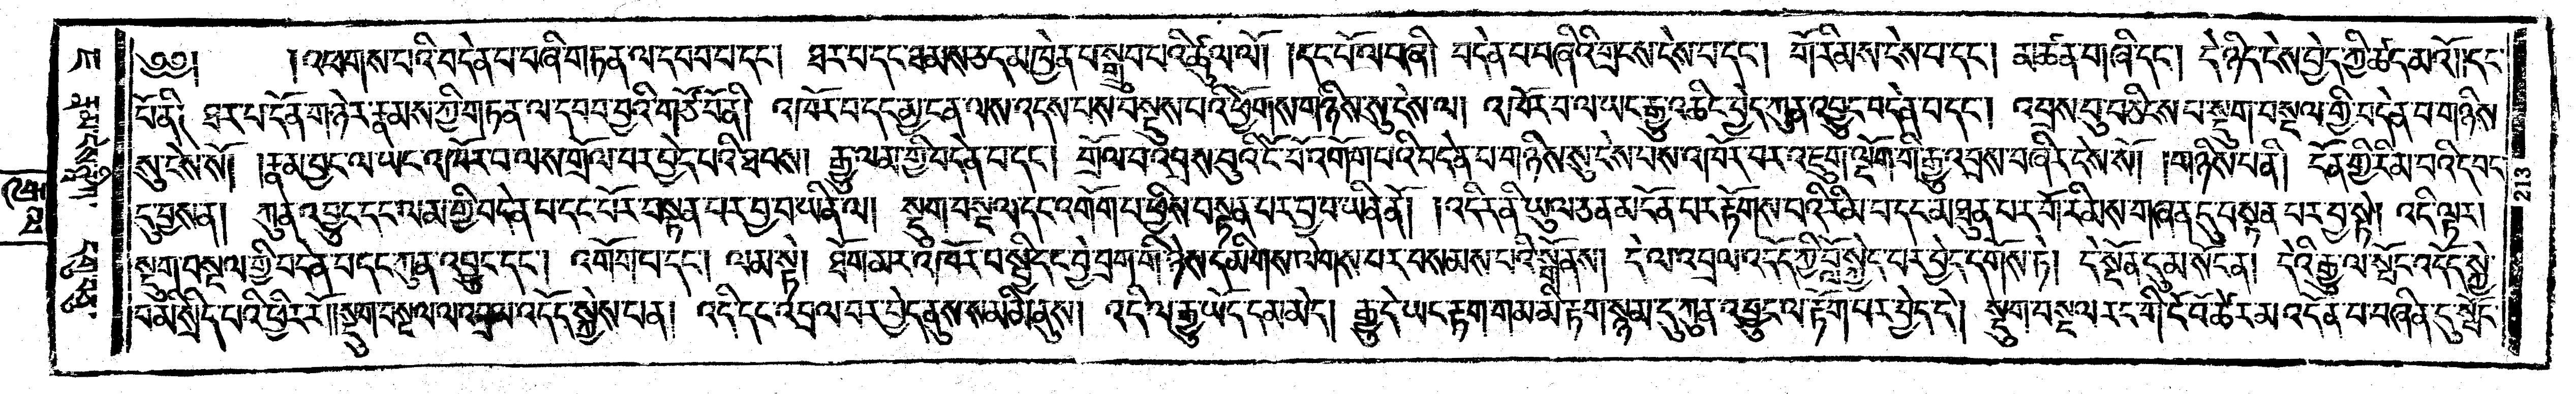༄༅། །འཕགས་པའི་བདེན་པ་བཞི་གཏན་ལ་དབབ་པ་དང་། ཐར་པ་དང་ཐམས་ཅད་མཁྱེན་པ་སྒྲུབ་པའི་ཚུལ་ལོ། །དང་པོ་ལ་བཞི། བདེན་པ་བཞིའི་གྲངས་ངེས་པ་དང་། གོ་རིམས་ངེས་པ་དང་། མཚན་གཞི་དང་། དེ་ཉིད་ངེས་བྱེད་ཀྱི་ཚད་མའོ། །དང་
པོ་ནི། ཐར་པ་དོན་གཉེར་རྣམས་ཀྱི་གཏན་ལ་དབབ་བྱའི་གཙོ་བོ་ནི། འཁོར་བ་དང་མྱ་ངན་ལས་འདས་པས་བསྡུས་པའི་ཕྱོགས་གཉིས་སུ་ངེས་ལ། འཁོར་བ་ལ་ཡང་རྒྱུ་འཆིང་བྱེད་ཀུན་འབྱུང་བདེན་པ་དང་། འབྲས་བུ་བཅིངས་པ་སྡུག་བསྔལ་གྱི་བདེན་པ་གཉིས་
སུ་ངེས་སོ། །རྣམ་བྱང་ལ་ཡང་འཁོར་བ་ལས་གྲོལ་བར་བྱེད་པའི་ཐབས། རྒྱུ་ལམ་གྱི་བདེན་པ་དང་། གྲོལ་པ་འབྲས་བུའི་ངོ་བོ་འགོག་པའི་བདེན་པ་གཉིས་སུ་ངེས་པས་འཁོར་བར་འཇུག་ལྡོག་གི་རྒྱུ་འབྲས་བཞིར་ངེས་སོ། །གཉིས་པ་ནི། དོན་གྱི་རིམ་པའི་དབང་
དུ་བྱས་ན། ཀུན་འབྱུང་དང་ལམ་གྱི་བདེན་པ་དང་པོར་བསྟན་པར་བྱ་བ་ཡིན་ལ། སྡུག་བསྔལ་དང་འགོག་པ་ཕྱིས་བསྟན་པར་བྱ་བ་ཡིན་ནོ། །འདིར་ནི་ཡུལ་ཅན་མངོན་པར་རྟོགས་པའི་རིམ་པ་དང་མཐུན་པར་གོ་རིམས་གཞན་དུ་བསྟན་པར་བྱ་སྟེ། འདི་ལྟར།
སྡུག་བསྔལ་གྱི་བདེན་པ་དང་ཀུན་འབྱུང་དང་། འགོག་པ་དང་། ལམ་སྟེ། ཐོག་མར་འཁོར་བ་སྤྱི་དང་བྱེ་བྲག་གི་ཉེས་དམིགས་ལེགས་པར་བསམས་པའི་སྒོ་ནས། དེ་ལ་འབྲལ་འདོད་ཀྱི་བློ་སྐྱེད་པར་བྱེད་དགོས་ཏེ། དེ་སྔོན་དུ་མ་སོང་ན། དེའི་རྒྱུ་ལ་སྤོང་འདོད་སྐྱེ་
བ་མི་སྲིད་པའི་ཕྱིར་རོ། །སྡུག་བསྔལ་ལ་འབྲལ་འདོད་སྐྱེས་པ་ན། འདི་དང་འབྲལ་པར་བྱེད་ནུས་སམ་མི་ནུས། འདི་ལ་རྒྱུ་ཡོད་དམ་མེད། རྒྱུ་དེ་ཡང་རྟག་གམ་མི་རྟག་སྙམ་དུ་ཀུན་འབྱུང་ལ་རྟོག་པར་བྱེད་དེ། སྡུག་བསྔལ་རང་གི་ངོ་བོ་ཚེར་མ་འདོན་པ་བཞིན་དུ་སྤོང་